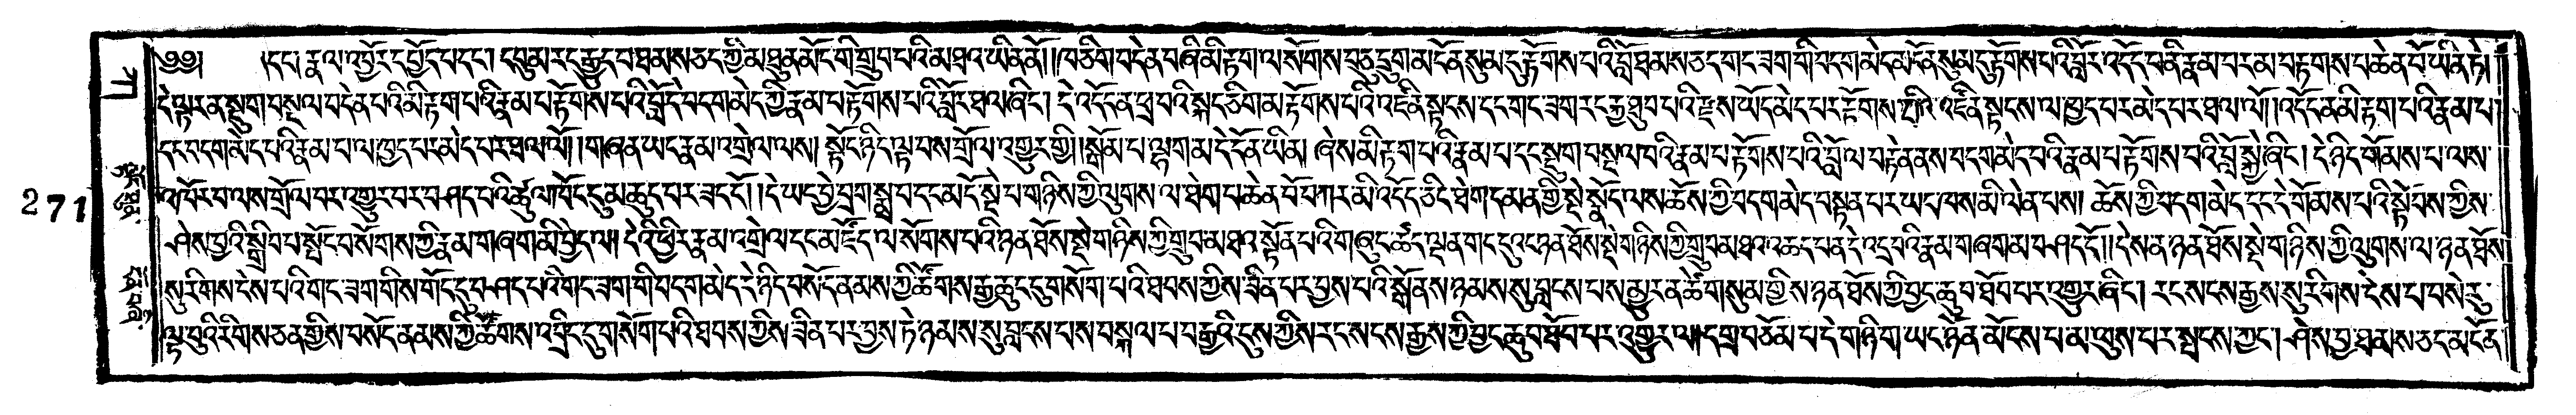༄༅། །དང༑ རྣལ་འབྱོར་དཔྱོད་པ་དང་། དབུ་མ་རང་རྒྱུད་པ་ཐམས་ཅད་ཀྱི་མཐུན་མོང་གི་གྲུབ་པའི་མཐའ་ཡིན་ནོ། །ཁ་ཅིག་བདེན་བཞི་མི་རྟག་ལ་སོགས་བཅུ་དྲུག་མངོན་སུམ་དུ་རྟོགས་པའི་བློ་ཐམས་ཅད་གང་ཟག་གི་བདག་མེད་མངོན་སུམ་དུ་རྟོགས་པའི་བློར་འདོད་པ་ནི་རྣམ་པར་མ་བརྟགས་པ་ཆེན་པོ་ཡིན་ཏེ།
དེ་ལྟར་ན་སྡུག་བསྔལ་བདེན་པའི་མི་རྟག་པའི་རྣམ་པ་རྟོགས་པའི་བློ་དེ་བདག་མེད་ཀྱི་རྣམ་བརྟོགས་པའི་བློར་ཐལ་ཞིང་། དེ་འདོད་ན་ཕྲ་བའི་སྐད་ཅིག་མ་རྟོགས་པའི་འཛིན་སྟངས་དང་གང་ཟག་རང་རྐྱ་ཐུབ་པའི་རྫས་ཡོད་མེད་པར་རྟོགས་པའི་འཛིན་སྟངས་ལ་ཁྱད་པར་མེད་པར་ཐལ་ལོ། །འདོད་ན་མི་རྟག་པའི་རྣམ་པ་
དང་བདག་མེད་པའི་རྣམ་པ་ལ་ཁྱད་པར་མེད་པར་ཐལ་ལོ། །གཞན་ཡང་རྣམ་འགྲེལ་ལས། སྟོང་ཉིད་ལྟ་བས་གྲོལ་འགྱུར་གྱི། །སྒོམ་པ་ལྷག་མ་དེ་དོན་ཡིན། ཞེས་མི་རྟག་པའི་རྣམ་པ་དང་སྡུག་བསྔལ་བའི་རྣམ་པ་རྟོགས་པའི་བློ་ལ་བརྟེན་ནས་བདག་མེད་པའི་རྣམ་པ་རྟོགས་པའི་བློ་སྐྱེ་ཞིང་། དེ་ཉིད་གོམས་པ་ལས་
འཁོར་བ་ལས་གྲོལ་བར་འགྱུར་པར་བཤད་པའི་ཚུལ་ཁོང་དུ་མ་ཆུད་པར་ཟད་དོ། །དེ་ཡང་བྱེ་བྲག་སྨྲ་བ་དང་མདོ་སྡེ་པ་གཉིས་ཀྱི་ལུགས་ལ་ཐེག་པ་ཆེན་པོ་བཀར་མི་འདོད་ཅིང་ཐེག་དམན་གྱི་སྡེ་སྣོད་ལས་ཆོས་ཀྱི་བདག་མེད་བསྟན་པར་ཡང་ཁས་མི་ལེན་པས། ཆོས་ཀྱི་བདག་མེད་དང་དེ་གོམས་པའི་སྟོབས་ཀྱིས་
ཤེས་བྱའི་སྒྲིབ་པ་སྤོང་བ་སོགས་ཀྱི་རྣམ་གཞག་མི་བྱེད་ལ། དེའི་ཕྱིར་རྣམ་འགྲེལ་དང་མཛོད་ལ་སོགས་པའི་ཉན་ཐོས་སྡེ་གཉིས་ཀྱི་གྲུབ་མཐའ་སྟོན་པའི་གཞུང་ཚད་ལྡན་གང་དུའང་ཉན་ཐོས་སྡེ་གཉིས་ཀྱི་གྲུབ་མཐའ་འཆད་པ་ན་དེ་འདྲ་བའི་རྣམ་གཞག་མ་བཤད་དོ། །དེས་ན་ཉན་ཐོས་སྡེ་གཉིས་ཀྱི་ལུགས་ལ་ཉན་ཐོས་
སུ་རིགས་དེས་པའི་གང་ཟག་གིས་གོང་དུ་བཤད་པའི་གང་ཟག་གི་བདག་མེད་དེ་ཉིད་བསོད་ནམས་ཀྱི་ཚོགས་རྒྱ་ཆུང་དུ་གསོག་པའི་ཐབས་ཀྱིས་ཟིན་པར་བྱས་པའི་སྒོ་ནས་ཉམས་སུ་བླངས་པས་མྱུར་ན་ཚེ་གསུམ་གྱིས་ཉན་ཐོས་ཀྱི་བྱང་ཆུབ་ཐོབ་པར་འགྱུར་ཞིང་། རང་སངས་རྒྱས་སུ་རིགས་ངེས་པ་བསེ་རུ་
ལྟ་བུའི་རིགས་ཅན་གྱིས་བསོད་ནམས་ཀྱི་ཚོགས་འབྲིང་དུ་གསོག་པའི་ཐབས་ཀྱིས་ཟིན་པར་བྱས་ཏེ་ཉམས་སུ་བླངས་པས་བསྐལ་བ་བརྒྱའི་དུས་ཀྱིས་རང་སངས་རྒྱས་ཀྱི་བྱང་ཆུབ་ཐོབ་པར་འགྱུར་ལ། དགྲ་བཅོམ་པ་དེ་གཉི་ག་ཡང་ཉོན་མོངས་པ་མ་ལུས་པར་སྤངས་ཀྱང་། ཤེས་བྱ་ཐམས་ཅད་མངོན་